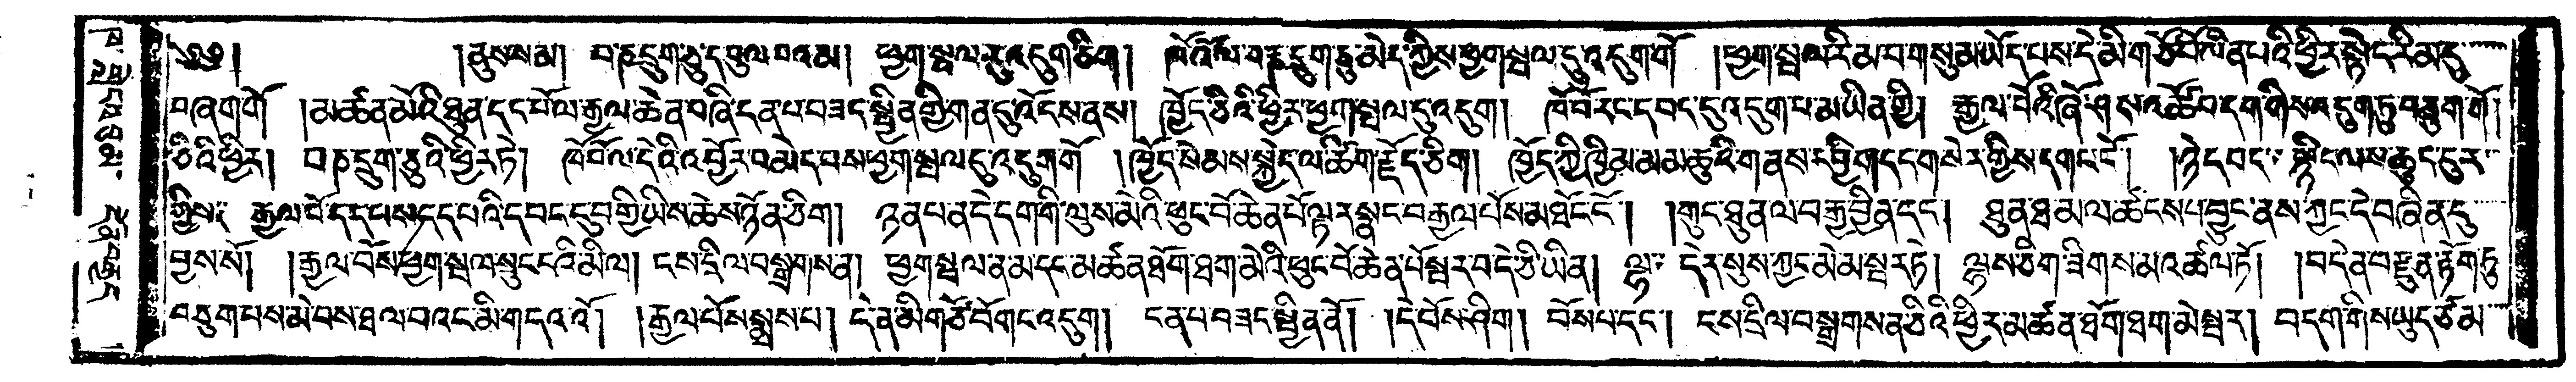༄༅། །ནུས་སམ། བ་ཎ་དྲུག་ཅུ་དབུལ་བའམ། ཕྱག་སྦལ་རུ་འདུག་ཅིག། ཁོ་འོལ་བྲྞ་དྲུག་ཅུ་མེད་ཀྱིས་ཕྱག་སྦལ་དུ་འདུག་གོ །ཕྱག་སྦལ་རིམ་བ་གསུམ་ཡོད་པས་དེ་མི་གཙོ་བོ་ཡིན་པའི་ཕྱིར་སྟེང་རིམ་དུ་
བཞག་གོ །མཚན་མོའི་ཐུན་དང་བོ་ལ་རྒྱལ་ཆེན་བཞི་དན་པ་བཟང་སྦྱིན་གྱི་གན་དུ་འོངས་ནས། ཁྱོད་ཅིའི་ཕྱིར་ཕྱག་སྦལ་དུ་འདུག། ཁོ་བོ་རང་དབང་དུ་འདུག་པ་མ་ཡིན་གྱི། རྒྱལ་བོའི་ཞོ་ཤས་འཚོབ་དག་གིས་འདུག་ཏུ་བཅུག་གོ།
ཅིའི་ཕྱིར། པཎ་དྲུག་ཅུའི་ཕྱིར་ཏེ། ཁོ་བོ་ལ་དེའི་འབྱོར་བ་མེད་པས་ཕྱག་སྤལ་དུ་འདུག་གོ །ཁྱོད་སེམས་སྐྱེད་ལ་ཚིག་རྗོད་ཅིག། ཁྱོད་ཀྱི་ཁྱིམ་མམ་ཆུའི་གནས་དབྱིག་དང་གསེར་གྱིས་དགང་ངོ། །ཉེ་དབང་སྙིང་ལས་ཆུང་ངུར་
གྱིས༑ རྒྱལ་བོ་དད་པས་དད་པའི་དབང་ངུ་བགྱི་ཡིས་ཆོས་ཉོན་ཅིག། ཉན་པ་ན་དེ་དག་གི་ལུས་མེའི་ཕུང་བོ་ཆེན་པོ་ལྟར་སྣང་བ་རྒྱལ་པོས་མཐོང་ངོ། །གུང་ཐུན་ལ་བརྒྱ་བྱིན་དང་། ཐུན་ཐ་མལ་ཚངས་པ་བྱུང་ནས་ཀྱང་དེ་བཞིན་དུ་
བྱས་སོ། །རྒྱལ་བོས་ཕྱག་སྦལ་སྲུང་པའི་མི་ལ། ངས་དྲིལ་བསྒྲགས་ན། ཕྱག་སྦལ་ན་མ་དང་མཚན་ཐོག་ཐག་མེའི་ཕུང་བོ་ཆེན་པོ་སྦར་བ་དེ་ཅི་ཡིན། ལྷ་དེར་སུས་ཀྱང་མེ་མ་སྦར་ཏེ། ལྷས་ཅིག་གཟིགས་མ་འཚལ་ཏོ། །བདེན་བརྫུན་རྟོག་ཏུ་
བཅུག་པས་མེ་བས་ཐལ་བའང་མི་གདའ་འོ། །རྒྱལ་པོས་སྨྲས་པ། དེ་ན་མི་གཙོ་བོ་གང་འདུག། ངན་པ་བཟང་སྦྱིན་ནོ། །དེ་བོས་ཤིག། བོས་བ་དང་། ངས་དྲིལ་བསྒྲགས་ན་ཅིའི་ཕྱིར་མཚན་ཐོག་ཐག་མེ་སྦར། བདག་གིས་ཡུད་ཙམ་